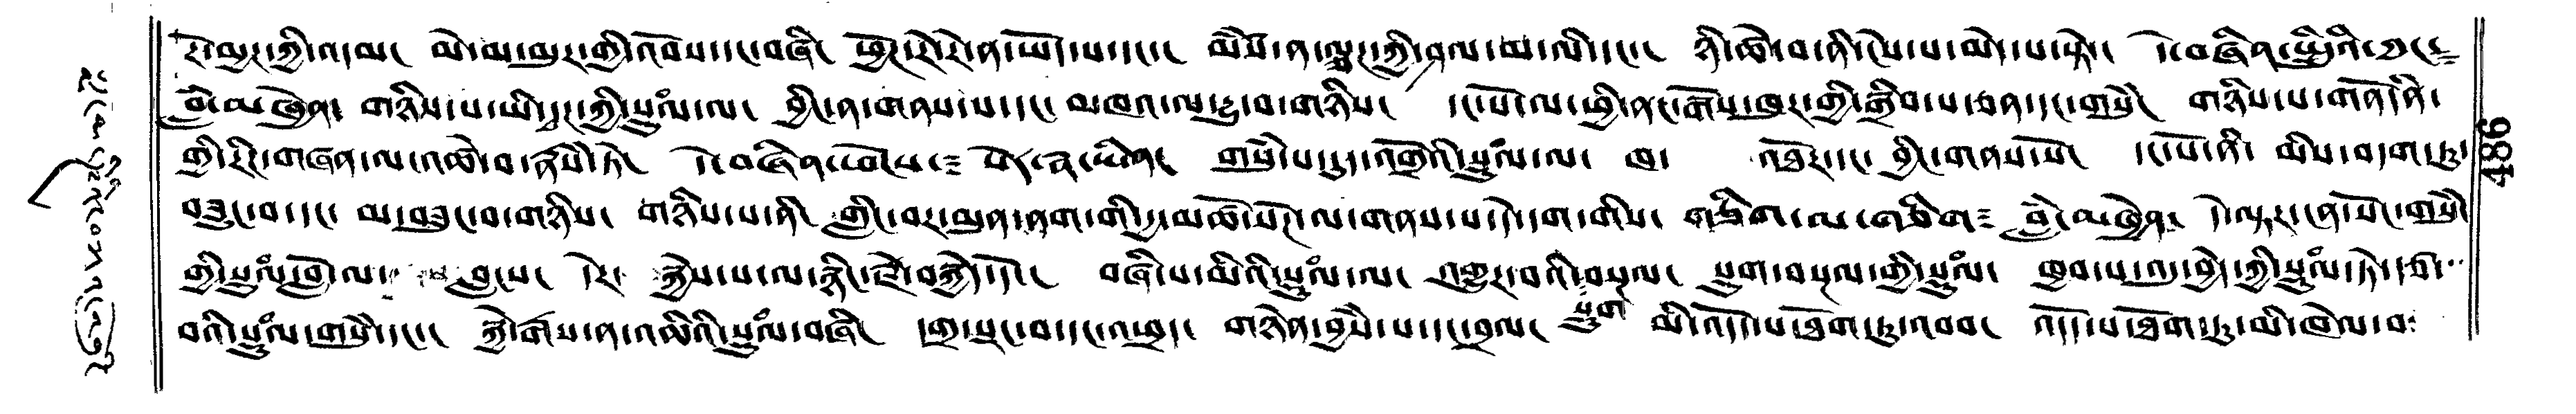རོ་མྱགས་ཀྱི་འདམ། མེ་མ་མུར་གྱི་འོབས་དང་བཞི་ཕྱོགས་རེ་རེ་ན་ཡོད་པ་དང་། མཚམས་ན་ལྕགས་ཀྱི་ཤལ་མ་ལི་དང་། ཉི་ཚེ་བ་ནི་ངེས་པ་མེད་པ་སྟེ། དེ་བཞིན་སྤུ་གྲིའི་ཐང༴ 
བླ་མ་མཁྱེན༴གཉིས་པ་ཡི་དྭགས་ཀྱི་སྡུག་བསྔལ་ལ། བྱིང་ན་གནས་པ་དང་མཁའ་ལ་རྒྱུ་བ་གཉིས། དང་པོ་ལ་ཕྱི་ནང་སྒོས་ཁུར་གྱི་སྒྲིབ་པ་ཅན་དང་གསུམ། གཉིས་པ་གནོད་སྦྱིན་
གྱི་རིགས་གཞན་ལ་འཚེ་བ་རྣམས་ཏེ། དེ་བཞིན་ཕོངས༴ སེར་སྣ་ཡིན། གསུམ་པ་དུད་འགྲོའི་སྡུག་བསྔལ་ལ། ཁ་འཐོར་དང་། བྱིང་གནས་སོ། དང་པོ་ནི། མིས་བདག་ཏུ་
བཟུང་བ་དང་། མ་བཟུང་བ་གཉིས། གཉིས་པ་ནི། གླིང་བར་མུན་ནག་གི་རྒྱ་མཚོ་སོགས་ལ་གནས་པ་དེ་དག་གིས། གཅིག་ལ་གཅིག༴ བླ་མ་མཁྱེན༴ དེ་ལྟར་ངན་སོང་གསུམ་
གྱི་སྡུག་བསྔལ་བློ་ལ་བླངས། དེར་སྐྱེས་པ་ལ་སྙིང་རྗེ་བསྐྱེད་དོ། བཞི་པ་མིའི་སྡུག་བསྔལ་ལ། འགྱུར་བའི་སྡུག་བསྔལ། སྡུག་བསྔལ་གྱི་སྡུག་བསྔལ། ཁྱབ་པ་འདུ་བྱེད་ཀྱི་སྡུག་བསྔལ་ཏེ་རྩ་
བའི་སྡུག་བསྔལ་གསུམ་དང་། སྐྱེ་རྒ་ན་འཆིའི་སྡུག་བསྔལ་བཞི། དགྲ་སྡང་བ་དང་འཕྲད། གཉེན་བྱམས་པ་དང་བྲལ། མི་འདོད་པ་ཐོག་ཏུ་འབབ། འདོད་པ་ཐོག་ཏུ་མི་ཁེལ་བ་